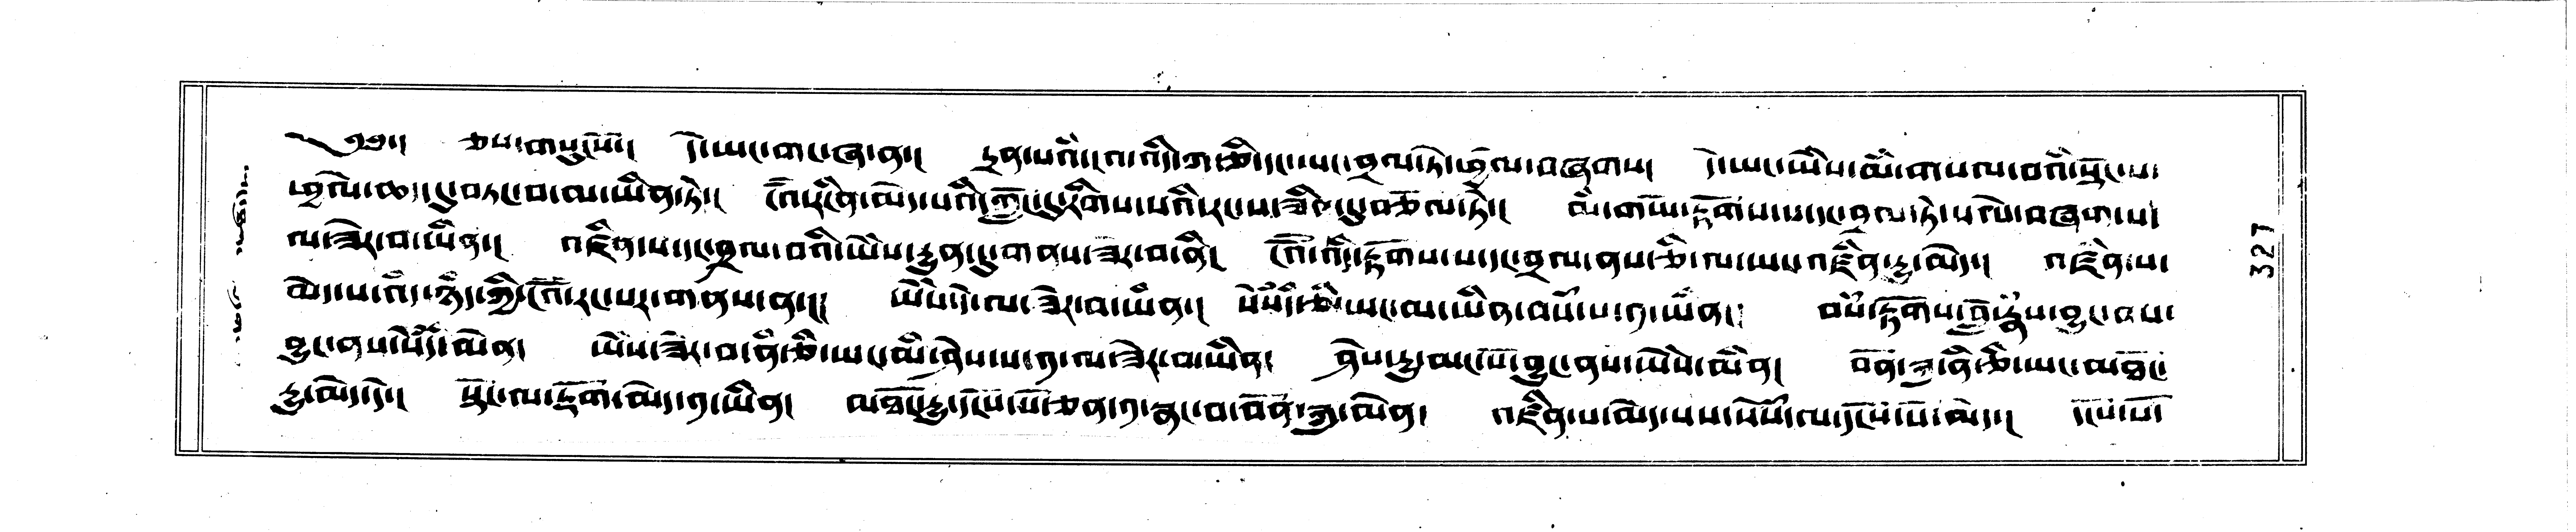ཅེས་གསུངས། དེ་ཡང་གང་ཞེ་ན། དྲན་པའི་ངོའོ་འདི་ཀ་ཡང་བྲལ་དེ་ཕྱལེ་བཞག དེ་ཡང་ཡེ་ཤེས་མི་གསལ་བའི་སྟོང་པ་
ཕྱལ་ཆད་དུ་བཏང་བ་མ་ཡིན་ཏེ། ངོའོ་རང་བཞིན་མེད་པའི་ཀློང་དུ་རིག་པ་རང་ས་ཟིན་དུ་བཅོལ་ཏེ། མི་གཡོལ་རྟོག་པ་དང་བྲལ་བར་སལེ་བཞག་པ་
ལ་ཟེར་བ་ཡིན། འཛིན་པ་དང་བྲལ་བའི་ཡེ་ཤེས་རྒྱུད་ལ་གནས་ཟེར་བ་ནི། ངོའོ་འདི་རྟོག་པ་དང་བྲལ་ན། ཅི་ལ་ཡང་འཛིན་རྒྱུ་མེད། འཛིན་པ་
མེད་པ་དེ་ཉིད་ཀྱིས་༼ཀྱི༽ངོའོ་རང་སར་གནས་ནས། ཡེ་ཤེས་དེ་ལས་ཟེར་བ་ཡིན། སེམས་ཉིད་ནི་ཅི་ཡང་མི་བསམ་པ་ཡིན། བསམ་རྟོག་བློ་རྣམས་
བྱུང་ན་སེམས་ཉིད་དེ་མིན། ཡེ་ཤེས་ཟེར་བ་ནི་ཅི་ཡང་མི་ཤེས་པ་ཅིག་ལས་ཟེར་བ་ཡིན། ཤེས་རྒྱུ་མང་པོ་བྱུང་ན་ཡེ་ཤེས་མིན། བོན་སྐུ་ནི་ཅི་ཡང་མཐོང་
རྒྱུ་མེད་དེ་སྟོང་ལ་རྟོག་མེད་ཅིག་ཡིན། མཐོང་རྒྱུ་དངོས་པོ་ཅན་སྣང་ན་དངོས་པོ་བོན་སྐུ་མེན། འཛིན་པ་མེད་པའི་སེམས་ལ་དངོས་པོ་མེད། དངོས་པོ་